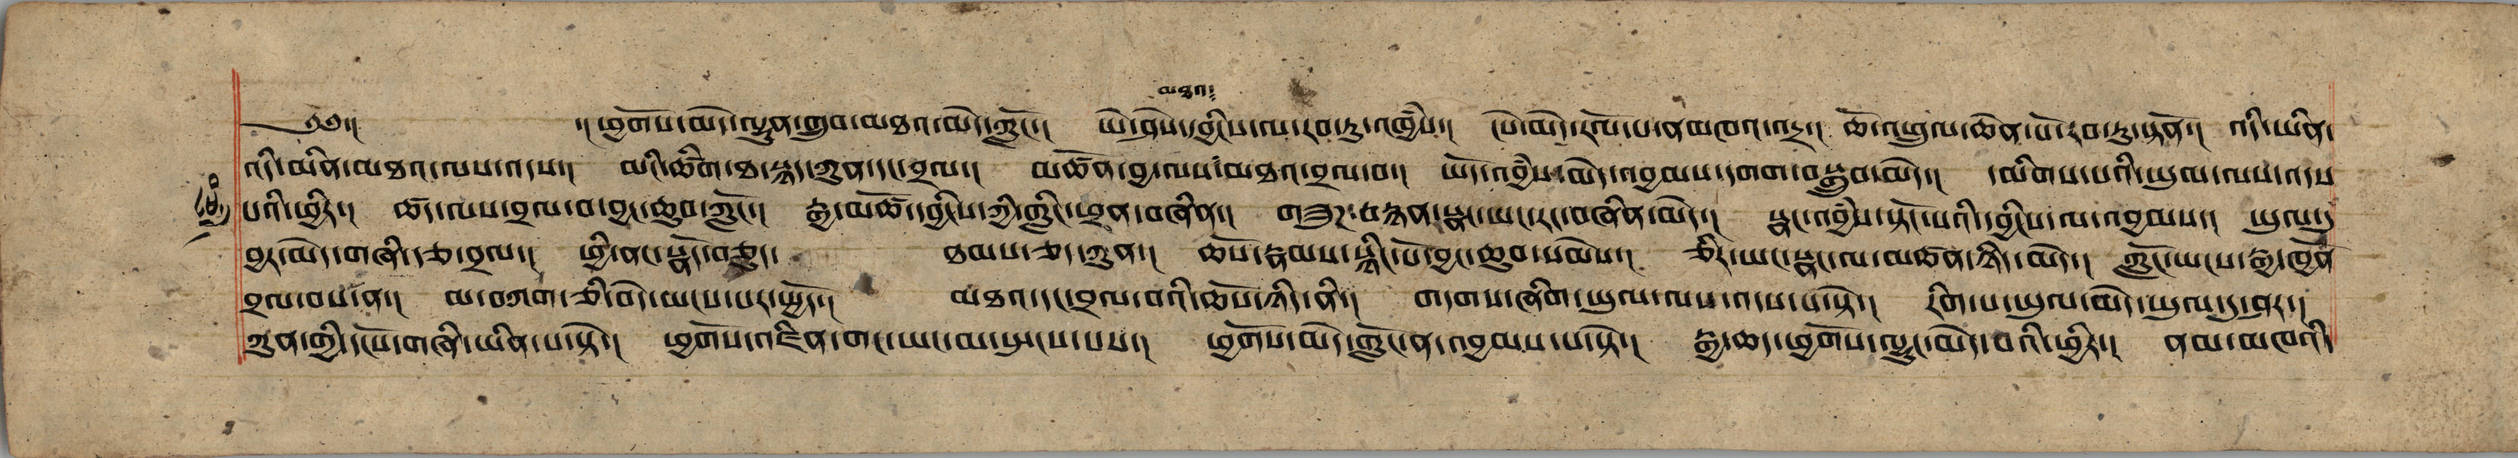༄༅་། ་།ཕྱོགས་མེད་ལྷུན་གྲུབ་མཐའ་མེད་ཀློང་། ཡེ་ཤེས་དབྱིངས་ལ་རབ་ཏུ་འཁྱཾས་། ངེས་མེད་རོལ་པ་ནམཁའ་འདྲ་། ཆོ་འཕྲུལ་ཆེན་པོ་རབ་ཏུ་སྟནོ་། འདི་ཡིན་
འདི་མིན་མཐའ་ལས་འདས་། མིང་ཚིག་ཐ་སྙད་ཀུན་དང་བྲལ་། མཚོན་བྱ་ལས་མཐའ་བྲལ་བ་། ཡོད་འབྱཾས་མེད་འབྱམས་དགག་བསྒྲུབ་མེད་། དམིགས་པའི་ཡུལ་ལས་འདས་
པའི་ཕྱིར་། ཚད་ལས་བྲལ་བ་བྱང་ཆུབ་ཀློང་། རྒྱ་མཚོ་དབྱིངས་ཀྱི་གླིང་ཕྲན་བཞིན་། གཟུཌ་བརྙན་སྣང་ཡང་རང་བཞིན་མེད་། སྣང་འབྱཾས་སྟོང་པའི་དབྱིངས་ལ་འབྱམས་། ཡུལ་དུ་
བྱར་མེད་གཞི་རྩ་བྲལ་། ཕྱི་ནང་སྣོད་བཅུད་ ཐམས་ཅད་ཀུན་། ཆོས་རྣམས་སྙིང་པོ་བྱང་ཆུབ་སེམས་། ཅིར་ཡང་སྣང་ལ་མཚན་ཉིད་མེད་། ཀློང་ཡངས་རྒྱ་ཁྱོན་
བྲལ་བས་ན་། མ་བཀག་ཅི་བདེ་ཡངས་པར་སྤྱོད་། མཐའ་དང་བྲལ་བའིི་ཆོས་ཉིད་ནི་། གདགས་ཞིག་ཡུལ་ལས་འདས་པ་སྟེ་། རིག་པ་ཡུལ་མེད་ཡུལ་དུ་ཤར་།
ཀུན་གྱི་དངོས་གཞི་ཡིན་པ་སྟེ་། ཕྱོགས་འཛིན་གང་ཡང་མ་སྤངས་པས་། ཕྱོགས་མེད་གློང་ན་འབྱམས་པ་སྟེ་། རྒྱ་ཆད་ཕྱོགས་ལྷུང་མེད་པའི་ཕྱིར་། ནམ་མཁའི་